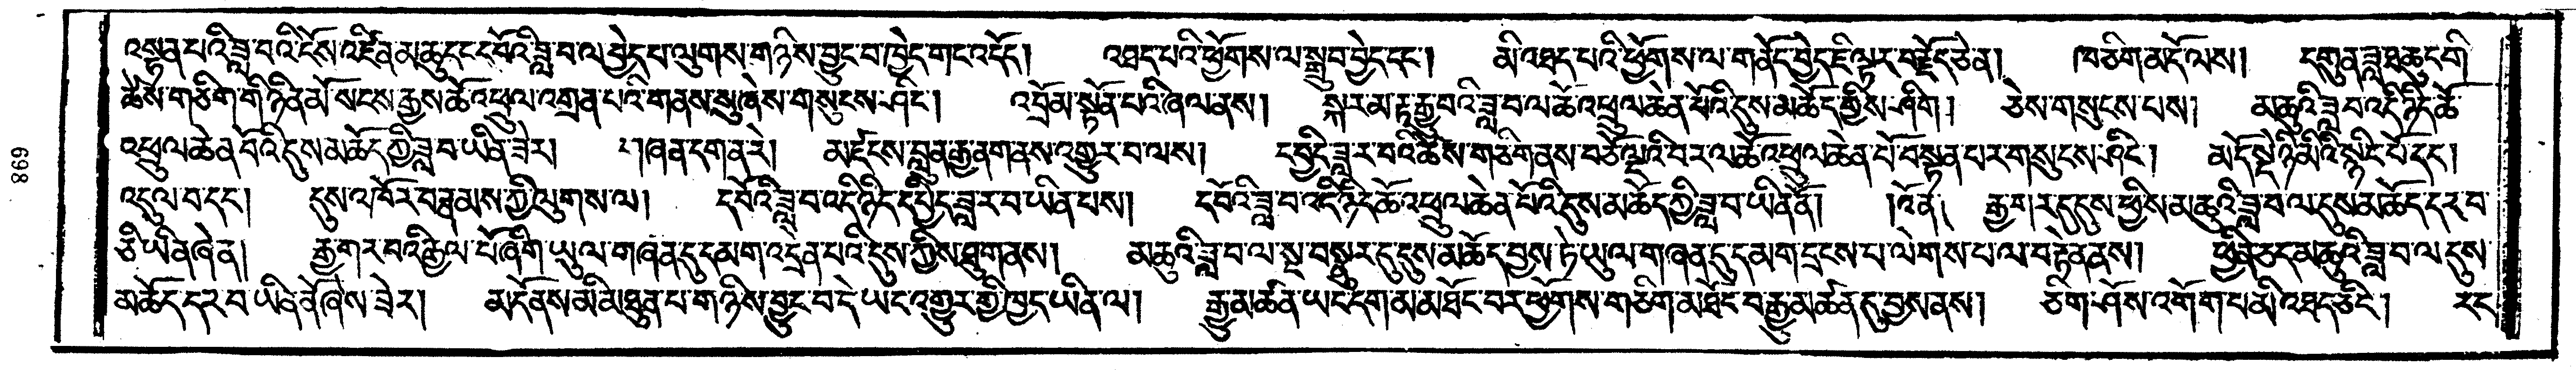བསྟན་པའི་ཟླ་བའི་ངོས་འཛིན་མཆུ་དང་དབོའི་ཟླ་བ་ལ་བྱེད་པ་ལུགས་གཉིས་བྱུང་བ་ཁྱེད་གང་འདོད། འཐད་པའི་ཕྱོགས་ལ་སྒྲུབ་བྱེད་དང་། མི་འཐད་པའི་ཕྱོགས་ལ་གནོད་བྱེད་ཇི་ལྟར་བརྗོད་ཅེ་ན། ཁ་ཅིག་མདོ་ལས། དགུན་ཟླ་ཐ་ཆུང་གི་
ཚེས་གཅིག་གི་ཉིན་མོ་སངས་རྒྱས་ཆོ་འཕྲུལ་འགྲན་པའི་གནས་སུ་ཞེས་གསུངས་ཤིང་། འབྲོམ་སྟོན་པའི་ཞལ་ནས། སྐར་མ་རྟ་རྒྱུ་བའི་ཟླ་བ་ལ་ཆོ་འཕྲུལ་ཆེན་པོའི་དུས་མཆོད་གྱིས་ཤིག། ཅེས་གསུངས་པས། མཆུའི་ཟླ་བ་འདི་ཉིད་ཆོ་
འཕྲུལ་ཆེན་པོའི་དུས་མཆོད་ཀྱི་ཟླ་བ་ཡིན་ཟེར། གཞན་དག་ན་རེ། མཛངས་བླུན་རྒྱ་ནག་ནས་འགྱུར་བ་ལས། དབྱིད་ཟླ་ར་བའི་ཚེས་གཅིག་ནས་བཅོ་ལྔའི་བར་ལ་ཆོ་འཕྲུལ་ཆེན་པོ་བསྟན་པར་གསུངས་ཤིང་། མདོ་སྡེ་ཉི་མིའི་སྙིང་པོ་དང་།
འདུལ་བ་དང་། དུས་འཁོར་བ་རྣམས་ཀྱི་ལུགས་ལ། དབོའི་ཟླ་བ་འདི་ཉིད་དཔྱིད་ཟླ་ར་བ་ཡིན་པས། དབོའི་ཟླ་བ་འདི་ཉིད་ཆོ་འཕྲུལ་ཆེན་པོའི་དུས་མཆོད་ཀྱི་ཟླ་བ་ཡིན་ནོ། །འོ་ན༑ རྒྱ་གར་དུ་དུས་ཕྱིས་མཆུའི་ཟླ་བ་ལ་དུས་མཆོད་དར་བ་
ཅི་ཡིན་ཞེ་ན། རྒྱ་གར་བའི་རྒྱལ་པོ་ཞིག་ཡུལ་གཞན་དུ་དམག་འདྲེན་པའི་དུས་ཀྱིས་ཐུག་ནས། མཆུའི་ཟླ་བ་ལ་སྔ་བསྣུར་དུ་དུས་མཆོད་བྱས་ཏེ་ཡུལ་གཞན་དུ་དམག་དྲངས་པ་ལེགས་པ་ལ་བརྟེན་ནས། ཕྱིན་ཅད་མཆུའི་ཟླ་བ་ལ་དུས་
མཆོད་དར་བ་ཡིན་ནོ་ཞེས་ཟེར། མངོ་ནས་མི་མཐུན་པ་གཉིས་བྱུང་བ་དེ་ཡང་འགྱུར་གྱི་ཁྱད་ཡིན་ལ། རྒྱུ་མཚན་ཡང་དག་མ་མཐོང་བར་ཕྱོགས་གཅིག་མཐོང་བ་རྒྱུ་མཚན་དུ་བྱས་ནས། ཅིག་ཤོས་འགོག་པ་མི་འཐད་ཅིང་། རང་